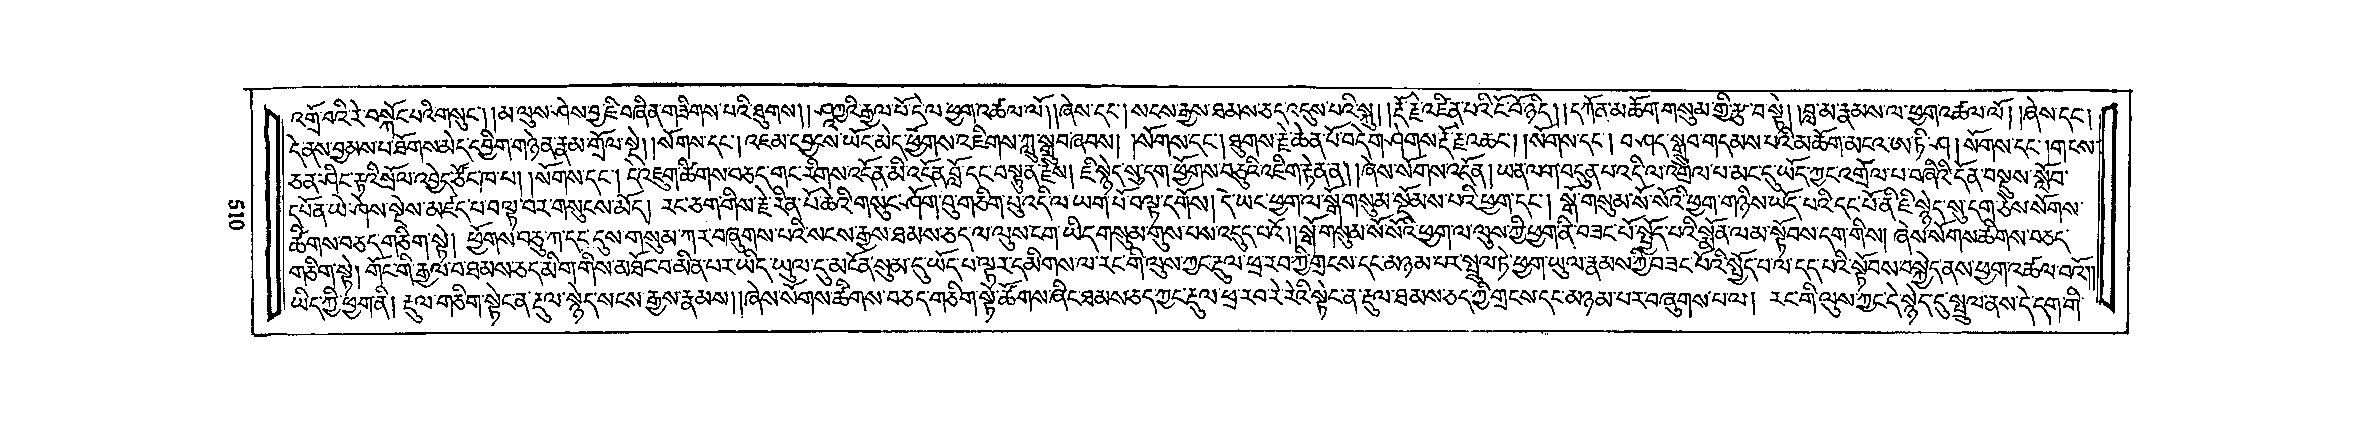འགྲོ་བའི་རེ་བསྐོང་པའི་གསུང་། །མ་ལུས་ཤེས་བྱ་ཇི་བཞིན་གཟིགས་པའི་ཐུགས། ཤཱཀྱའི་རྒྱལ་པོ་དེ་ལ་ཕྱག་འཚལ་ལོ། །ཞེས་དང་། སངས་རྒྱས་ཐམས་ཅད་འདུས་པའི་སྐུ། །རྡོ་རྗེ་འཛིན་པའི་ངོ་བོ་ཉིད། །དཀོན་མཆོག་གསུམ་གྱི་རྩ་བ་སྟེ། །བླ་མ་རྣམས་ལ་ཕྱག་འཚལ་ལོ། །ཞེས་དང་།
དེ་ནས་བྱམས་པ་ཐོགས་མེད་དབྱིག་གཉེན་རྣམ་གྲོལ་སྡེ། །སོགས་དང་། འཇམ་དབྱངས་ཡོད་མེད་ཕྱོགས་འཇིགས་ཀླུ་སྒྲུབ་ཞབས། །སོགས་དང་། ཐུགས་རྗེ་ཆེན་པོ་བདེ་གཤེགས་རྡོ་རྗེ་འཆང་། །སོགས་དང་། བཤད་སྒྲུབ་གདམས་པའི་མཆོག་མངའ་ཨ་ཏི་ཤ། སོགས་དང་། གངས་
ཅན་ཤིང་རྟའི་སྲོལ་འབྱེད་ཙོང་ཁ་པ། །སོགས་དང་། དེ་འཇུག་ཚིགས་བཅད་གང་རིགས་འདོན་མི་འདོན་བློ་དང་བསྟུན་རྗེས། ཇི་སྙེད་སུ་དག་ཕྱོགས་བཅུའི་འཇིག་རྟེན་ན། །ཞེས་སོགས་འདོན། ཡན་ལག་བདུན་པ་འདི་ལ་འགྲེལ་པ་མང་དུ་ཡོད་ཀྱང་འགྲེལ་པ་བཞིའི་དོན་བསྡུས་སློབ་
དཔོན་ཡེ་ཤེས་སྡེས་མཛད་པ་བལྟ་བར་གསུངས་མོད། རང་ཅག་གིས་རྗེ་རིན་པོ་ཆེའི་གསུང་ཤོག་བུ་གཅིག་པུ་འདི་ལ་ཡག་པོ་བལྟ་དགོས། དེ་ཡང་ཕྱག་ལ་སྒོ་གསུམ་སྡོམས་པའི་ཕྱག་དང་། སྒོ་གསུམ་སོ་སོའི་ཕྱག་གཉིས་ཡོད་པའི་དང་པོ་ནི་ཇི་སྙེད་སུ་དག་ཅེས་སོགས་
ཚིགས་བཅད་གཅིག་སྟེ། ཕྱོགས་བཅུ་ཀ་དང་དུས་གསུམ་ཀར་བཞུགས་པའི་སངས་རྒྱས་ཐམས་ཅད་ལ་ལུས་ངག་ཡིད་གསུམ་གུས་པས་འདུད་པའོ། །སྒོ་གསུམ་སོ་སོའི་ཕྱག་ལ་ལུས་ཀྱི་ཕྱག་ནི་བཟང་པོ་སྤྱོད་པའི་སྨོན་ལམ་སྟོབས་དག་གིས། ཞེས་སོགས་ཚིགས་བཅད་
གཅིག་སྟེ། གོང་གི་རྒྱལ་བ་ཐམས་ཅད་མིག་གིས་མཐོང་བ་མིན་པར་ཡིད་ཡུལ་དུ་མངོན་སུམ་དུ་ཡོད་པ་ལྟར་དམིགས་ལ་རང་གི་ལུས་ཀྱང་རྡུལ་ཕྲ་རབ་ཀྱི་གྲངས་དང་མཉམ་པར་སྤྲུལ་ཏེ་ཕྱག་ཡུལ་རྣམས་ཀྱི་བཟང་པོའི་སྤྱོད་པ་ལ་དད་པའི་སྟོབས་བསྐྱེད་ནས་ཕྱག་འཚལ་བའོ། །
ཡིད་ཀྱི་ཕྱག་ནི། རྡུལ་གཅིག་སྟེང་ན་རྡུལ་སྙེད་སངས་རྒྱས་རྣམས། །ཞེས་སོགས་ཚིགས་བཅད་གཅིག་སྟེ་ཚོགས་ཞིང་ཐམས་ཅད་ཀྱང་རྡུལ་ཕྲ་རབ་རེ་རེའི་སྟེང་ན་རྡུལ་ཐམས་ཅད་ཀྱི་གྲངས་དང་མཉམ་པར་བཞུགས་པ་ལ། རང་གི་ལུས་ཀྱང་དེ་སྙེད་དུ་སྤྲུལ་ནས་དེ་དག་གི་